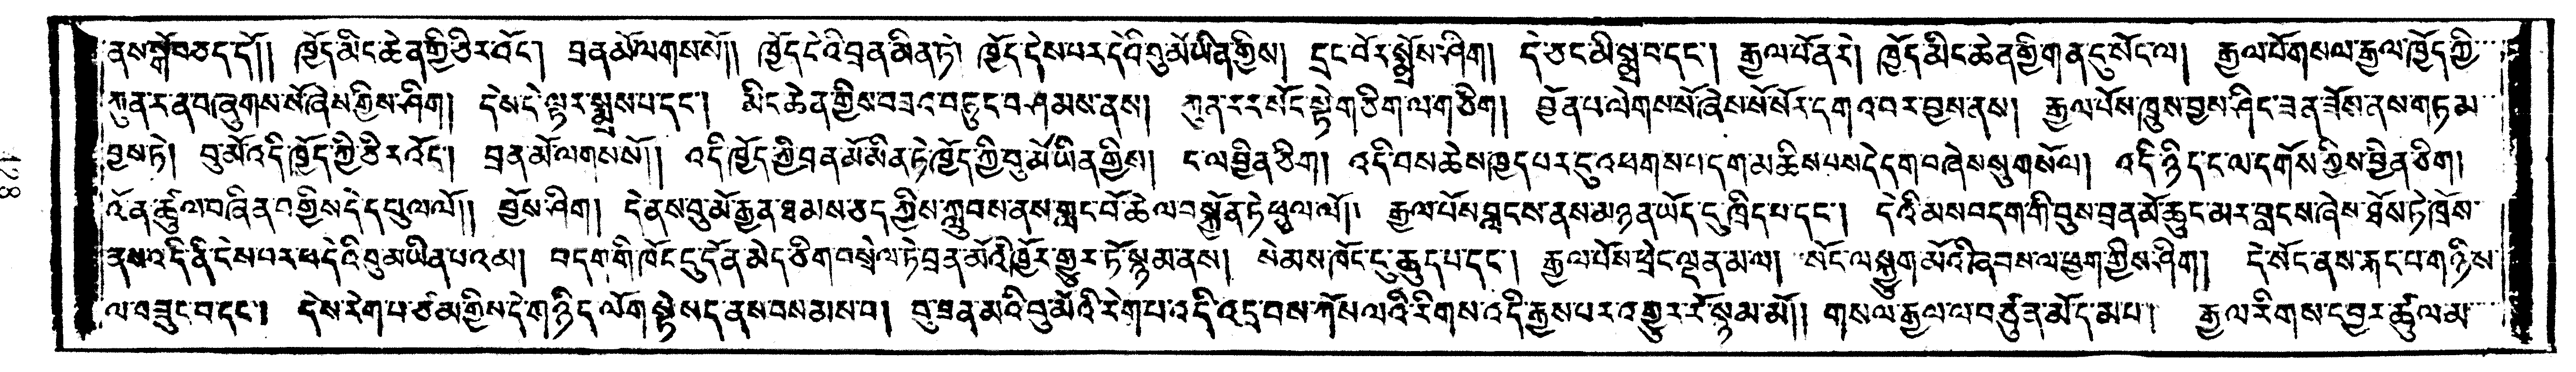ནས་སྒོ་བཅད་དོ།། ཁྱོད་མིང་ཆེན་གྱི་ཅིར་འོང་། བྲན་མོ་ལགས་སོ།། ཁྱོད་དེའི་བྲན་མིན་ཏེ། ཁྱོད་དེས་པར་དེའི་བུ་མོ་ཡིན་གྱིས། དྲང་བོར་སྨྲོས་ཤིག། དེ་ཅང་མི་སྨྲ་བ་དང་། རྒྱལ་པོ་ན་རེ། ཁྱོད་མིང་ཆེན་གྱི་གན་དུ་སོང་ལ། རྒྱལ་པོ་གསལ་རྒྱལ་ཁྱོད་ཀྱི་
ཀུན་ར་ན་བཞུགས་སོ་ཞེས་གྱིས་ཤིག། དེས་དེ་ལྟར་སྨྲས་པ་དང་། མིང་ཆེན་གྱིས་བཟའ་བཏུང་བཤམས་ནས། ཀུན་རར་སོང་སྟེ་གཅིག་ལ་གཅིག། བྱོན་པ་ལེགས་སོ་ཞེས་སོ་སོར་དགའ་བར་བྱས་ནས། རྒྱལ་པོས་ཁྲུས་བྱས་ཤིང་ཟན་ཟོས་ནས་གཏམ་
བྱས་ཏེ། བུ་མོ་འདི་ཁྱོད་ཀྱི་ཅིར་འོང་། བྲན་མོ་ལགས་སོ།། འདི་ཁྱོད་ཀྱི་བན་མོ་མིན་ཏེ་ཁྱོད་ཀྱི་བུ་མོ་ཡིན་གྱིས། ད་ལ་བྱིན་ཅིག། འདི་བས་ཆེས་ཁྱད་པར་དུ་འཕགས་པ་དག་མཆིས་པས་དེ་དག་བཞེས་སུ་གསོལ། འདི་ཉིད་ང་ལ་དགོས་ཀྱིས་བྱིན་ཅིག།
འོ་ན་ཚུལ་བཞིན་བགྱིས་དེ་དབུལ་ལོ།། བྱོས་ཤིག། དེ་ནས་བུ་མོ་རྒྱན་ཐམས་ཅད་ཀྱིས་ཀླུབས་ནས་གླང་པོ་ཆེ་ལ་བསྐྱོན་ཏེ་ཕུལ་ལོ།། རྒྱལ་པོས་བླངས་ནས་མཉན་ཡོད་དུ་ཁྲིད་པ་དང་། དེའི་མས་བདག་གི་བུས་བྲན་མོ་ཆུང་མར་བླངས་ཞེས་ཐོས་ཏེ་ཁྲོས་
ནས་འདི་ནི་ངེས་པར་ཕ་དེའི་བུ་མ་ཡིན་པའམ། བདག་གི་ཁོང་དུ་དོན་མེད་ཅིག་བསྲེལ་ཏེ་བྲན་མོའི་ཁྱོར་གྱུར་ཏོ་སྙམ་ནས། སེམས་ཁོང་དུ་ཆུད་པ་དང་། རྒྱལ་པོས་ཕྲེང་ལྡན་མ་ལ། སོང་ལ་སྐྱུག་མོའི་ཞབས་ལ་ཕྱག་གྱིས་ཤིག། དེ་སོང་ནས་རྐང་པ་གཉིས་
ལ་བཟུང་བ་དང་། དེས་རེག་པ་ཙམ་གྱིས་དེ་གཉིད་ལོག་སྟེ་སད་ནས་བསམས་བ། བུ་བྲན་མའི་བུ་མོའི་རེག་པ་འདི་འདྲ་བས་ཀོས་ལའི་རིགས་འདི་རྒྱས་པར་འགྱུར་རོ་སྙམ་མོ།། གསལ་རྒྱལ་ལ་བཙུན་མོད་མ་པ། རྒྱལ་རིགས་དབྱར་ཚུལ་མ་